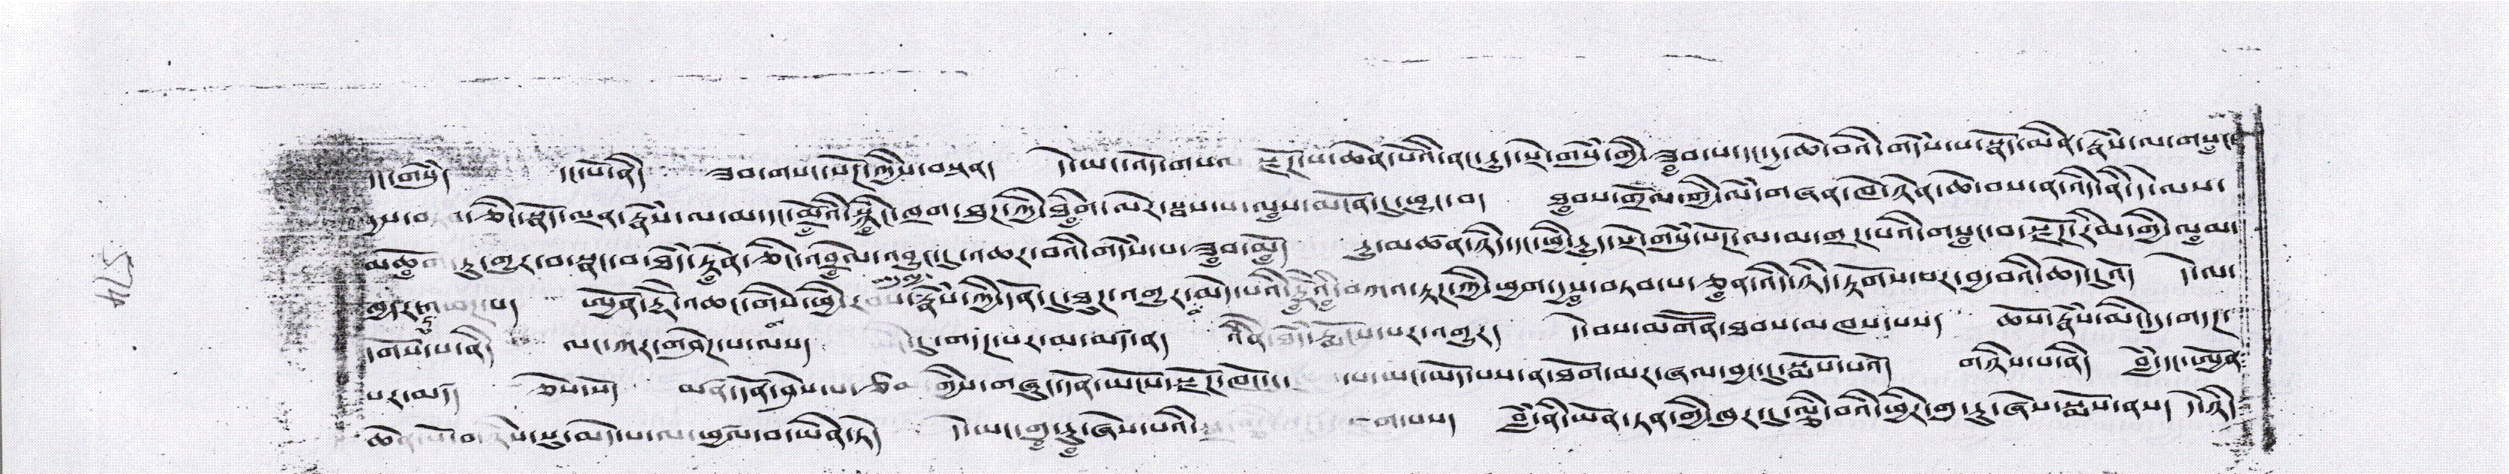དང་གསུམ། དང་པོ་ནི། ཟབ་གསང་སོགས་ཀྱིས་བསྟན། དེ་ཡང་འོད་གསལ་རྫོགས་པལ་ཆེན་པོའི་ནང་རྒྱུད་སྡེ་གསུམ་གྱི་ཟབ་པ་དང་རྒྱ་ཆེ་བའི་གདམས་པ་སྣོད་མིན་རྣམས་ལ་གསང་
རྒྱས་གདབ་ཅིང་སྣོད་ལྡན་རྣམས་ལ་མ་དང་མཁའ་འགྲོའི་སྙིང་ཁྲག་ཐུགས་ཀྱི་ཐིག་ལེར་སྦས་པ་ལས་མངོན་དུ་ཕྱུང་བ། སྐྱབས་གྲོལ་གྱི་ལམ་གཞན་ཁེ་ཉན་ཆེ་བས་ན་འདི་ནི་དེ་ལས་
མཆོག་ཏུ་གྱུར་པ་སྣང་བ་ཐམས་ཅད་རྟེན་ཅིང་འབྲེལ་འབྱུང་དུ་འཆར་བའི་གདམས་པ་ཟབ་མོ། རྒྱུ་མཚན་ཉིད་དང་ཕྱི་རྒྱུད་སྡེ་གསུམ་སོགས་ལ་མ་གྲགས་པའི་གསང་བ་རྫོགས་རིམ་གྱི་ལམ་
ཁྱད་པར་འཕགས་པ། ཨོ་རྒྱན་རྡོ་རྗེ་འཆང་གིས་ཕྱི་རབས་རྣམས་ཀྱི་དོན་དུ་ཐུགས་འགྱུར་བ་མེད་པའི་རྡོ་རྗེའི་བཀའ་རྟགས་ཀྱི་ཕྱག་རྒྱས་བཏབ་པ་ཅན་འདི་ཉིད་རྟོགས་པར་བྱ་བའི་ཆེད་དུའོ། །དེ་ལ་
དགོས་པ་ནི། ལང་ཀར་གཤེགས་པ་ལས། མིང་དུ་གདགས་པ་མ་མཛད་ན། །འཇིག་རྟེན་ཐམས་ཅད་རྨོངས་པར་འགྱུར། །དེ་བས་མགོན་པོ་ཐབས་མཁས་པས། །ཆོས་རྣམས་མིང་དུ་གདགས་
པར་མཛད། །ཅེས་སོ། །མཚན་དོན་ཤེས་པ་ཙམ་གྱིས་གཞུང་དོན་ཡོངས་རྫོགས་ཁོང་དུ་ཆུད་པ་ཡང་ཡོད་པས་ན་ཐོག་མར་ཞལ་བྱང་དུ་སྨོས་པའོ། །གཉིས་པ་ནི། བླ་མ་དང་ཨོ་རྒྱན་
ཆེན་པོ་གཉིས་སུ་མེད་པ་ལ་ཕྱག་འཚལ་བ་ཡིན་ཏེ། དེ་ཡང་གུ་རུ་ཞེས་པའི་༼༽བླ་མ་ནི་ཡོན་ཏན་གྱི་ཁུར་དུ་ལྕི་བའི་ཕྱིར་གུ་རུ་ཞེས་སྨོས་ནས། དེ་ཉིད་